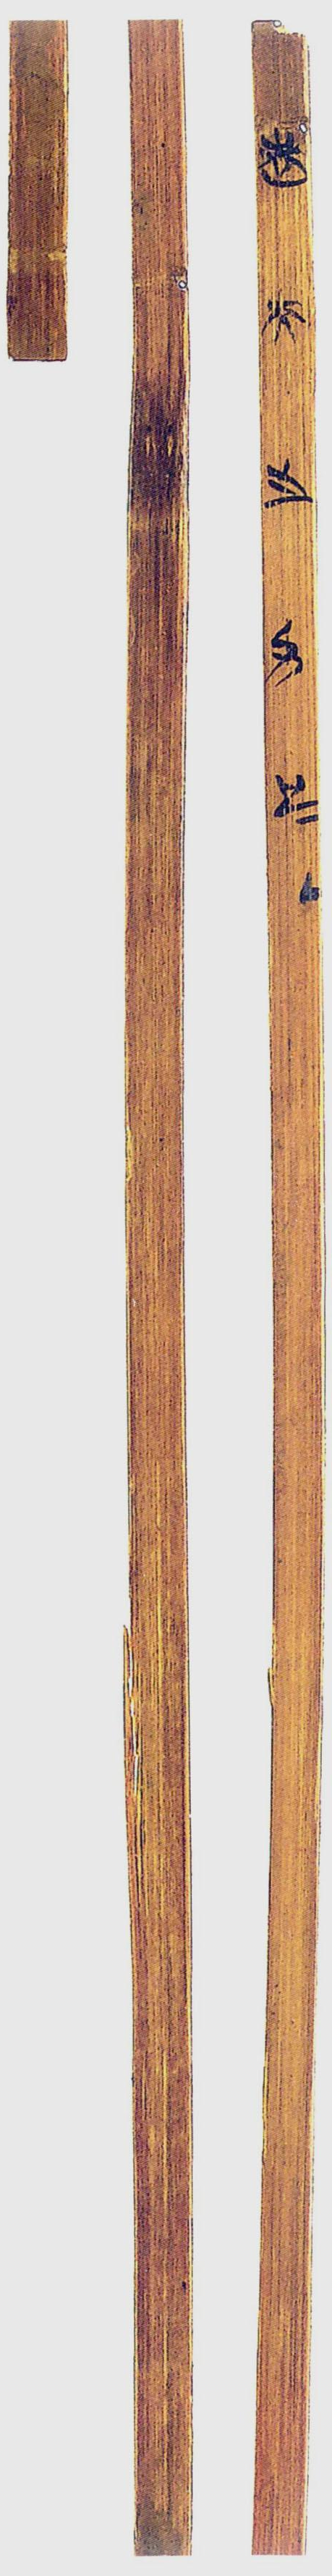老夫之力也
